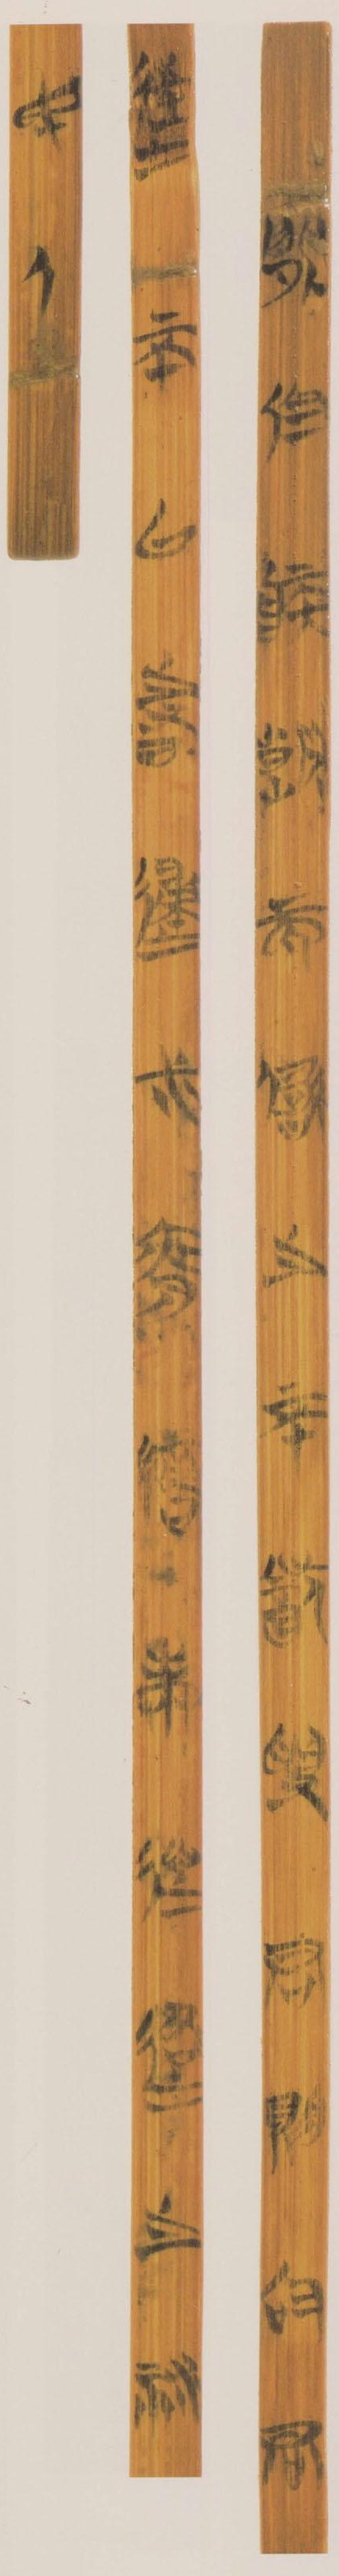{門外}於疾朝而{人言糸}之不猶受君賜吟君{辶㞷}不㠯（以）時{辶帚}必夜{糸帝口}奉道{辶各}之{示朮}民人
